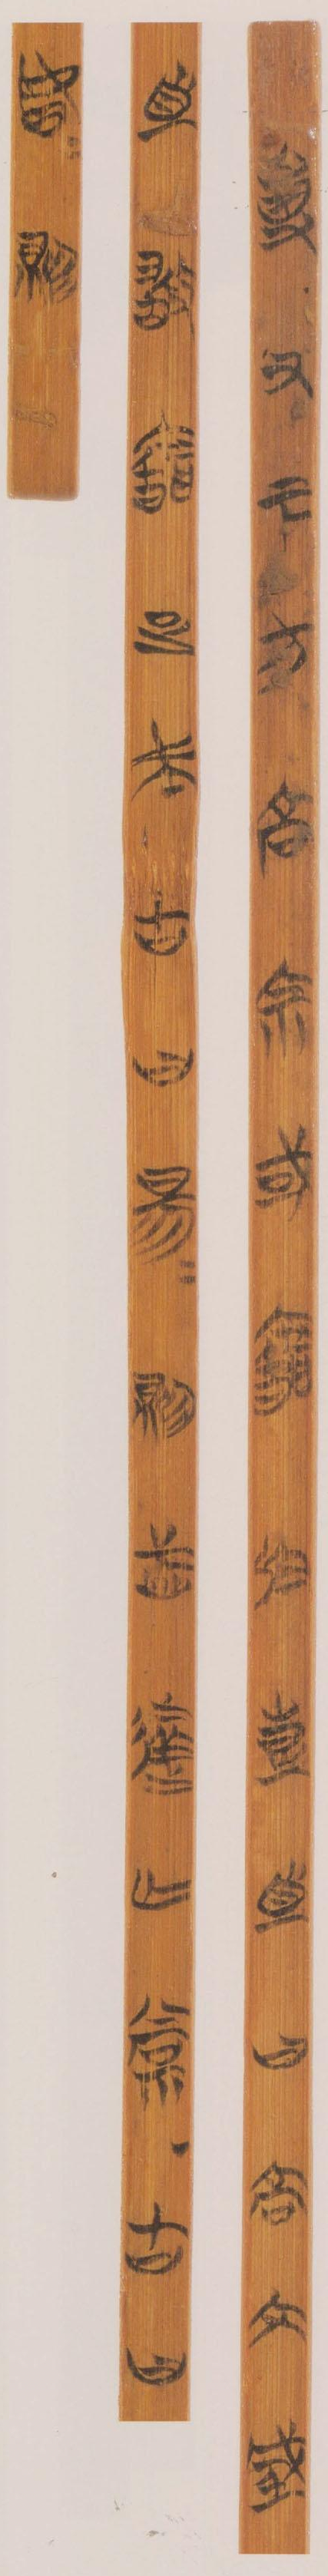尃又下方高宗或{尒䎽}於彭且曰高文城且敢{尒䎽}疋民古曰昜=則{干臼}{辶止㚔}亡常古曰母日=則
